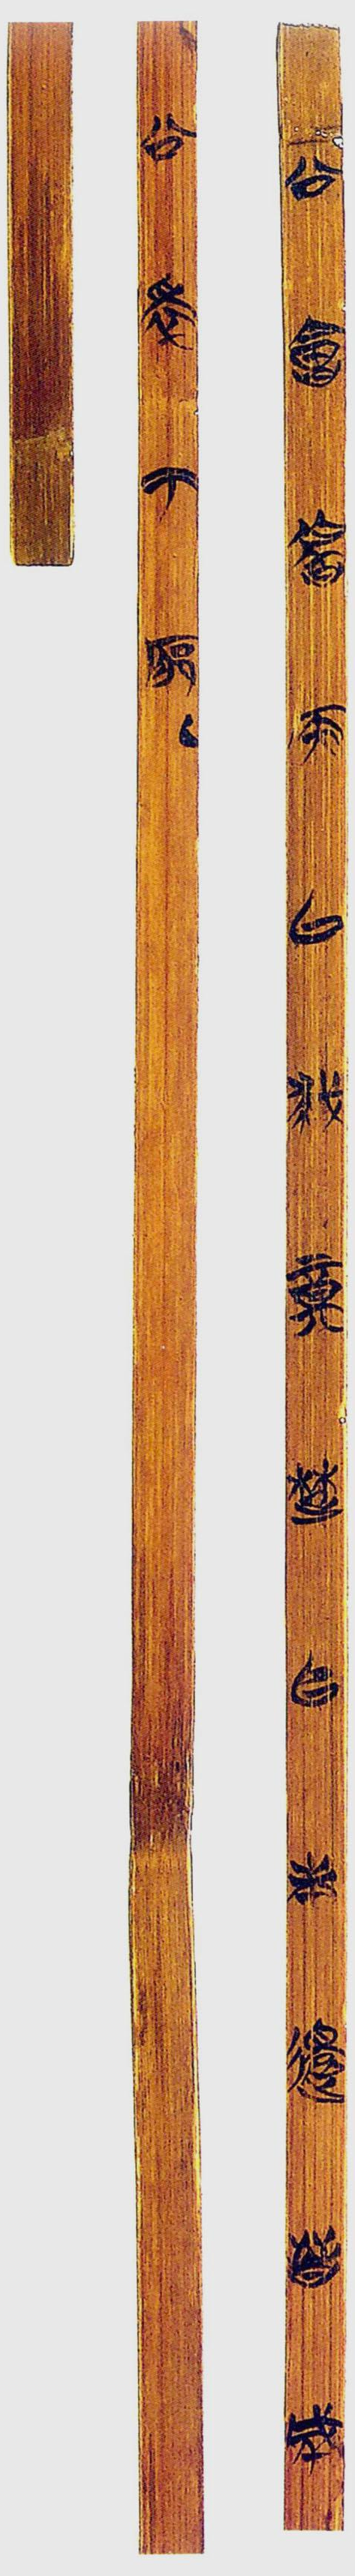公會者侯㠯（以）{求戈}（救）奠楚𠂤未還晉成公卒B于扈
